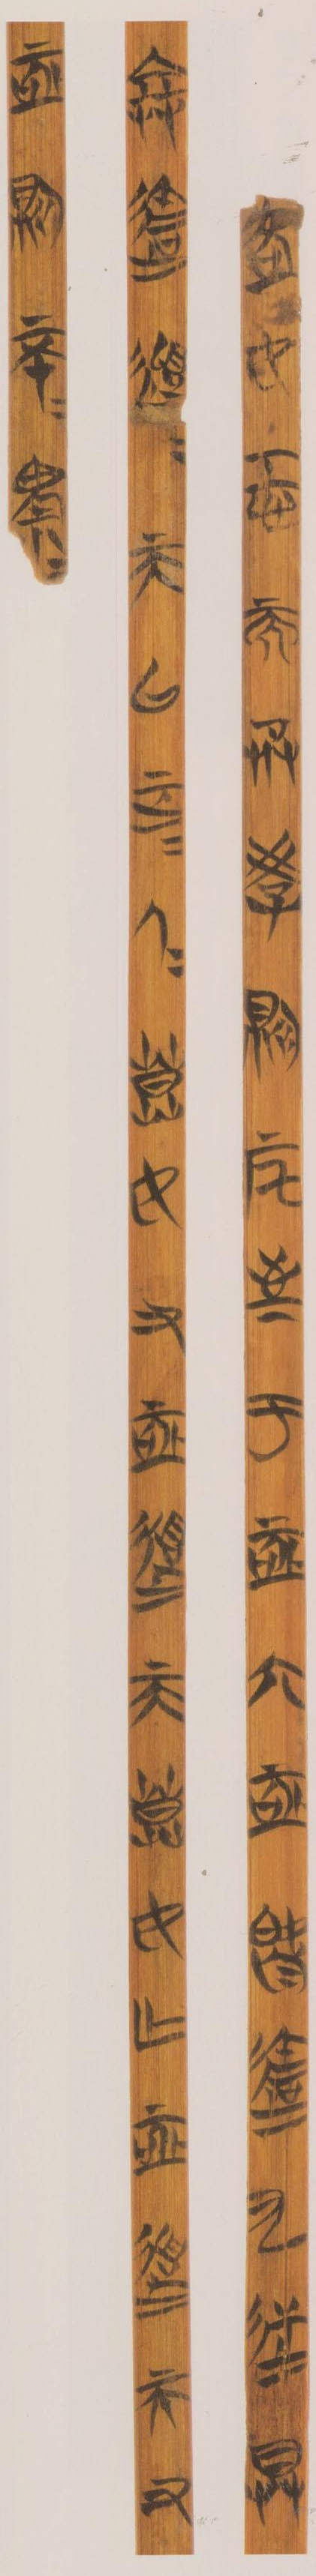唬女{工心}而承𡥈則厇至于亟六亟既逹九迀具𡨄逹道=天㠯（以）正=人=莫女又亟道天莫女亡亟道天又亟則不={鬼示}=
